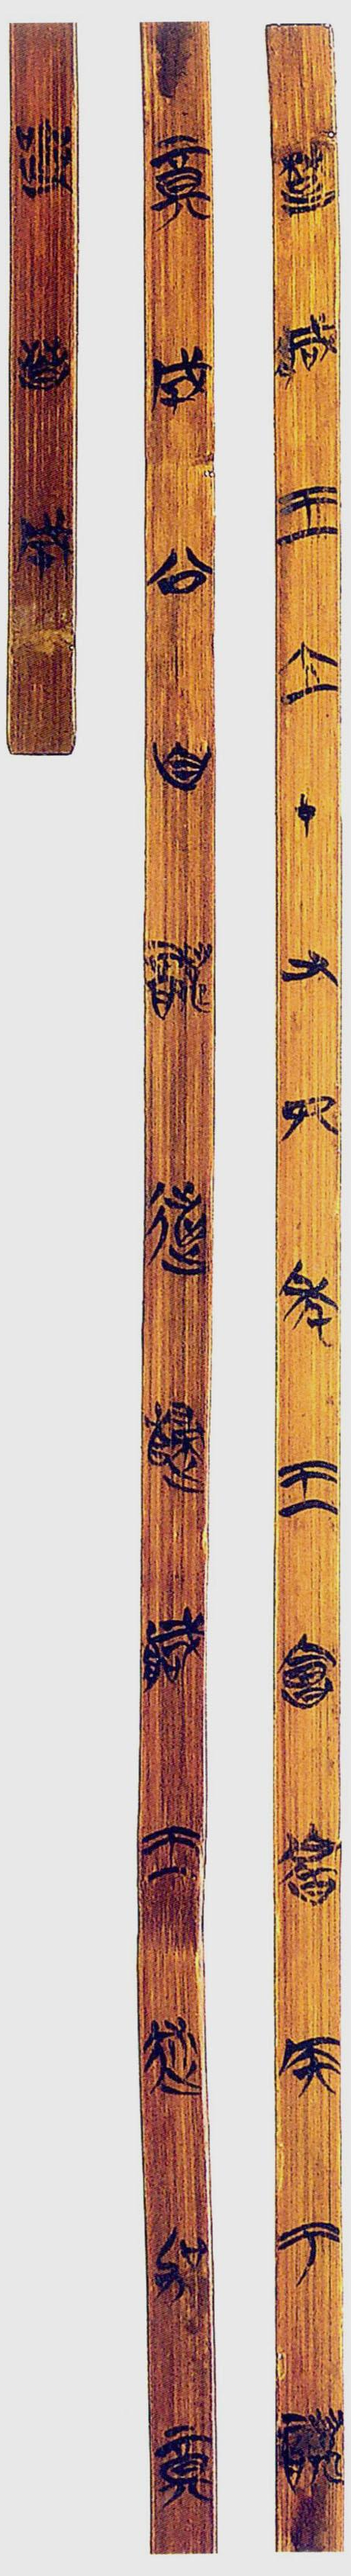楚戕王立十又四年王會者侯于{酉萬}奠成公自{酉萬}逃歸戕王述加奠{𤔔㗊}晉成
